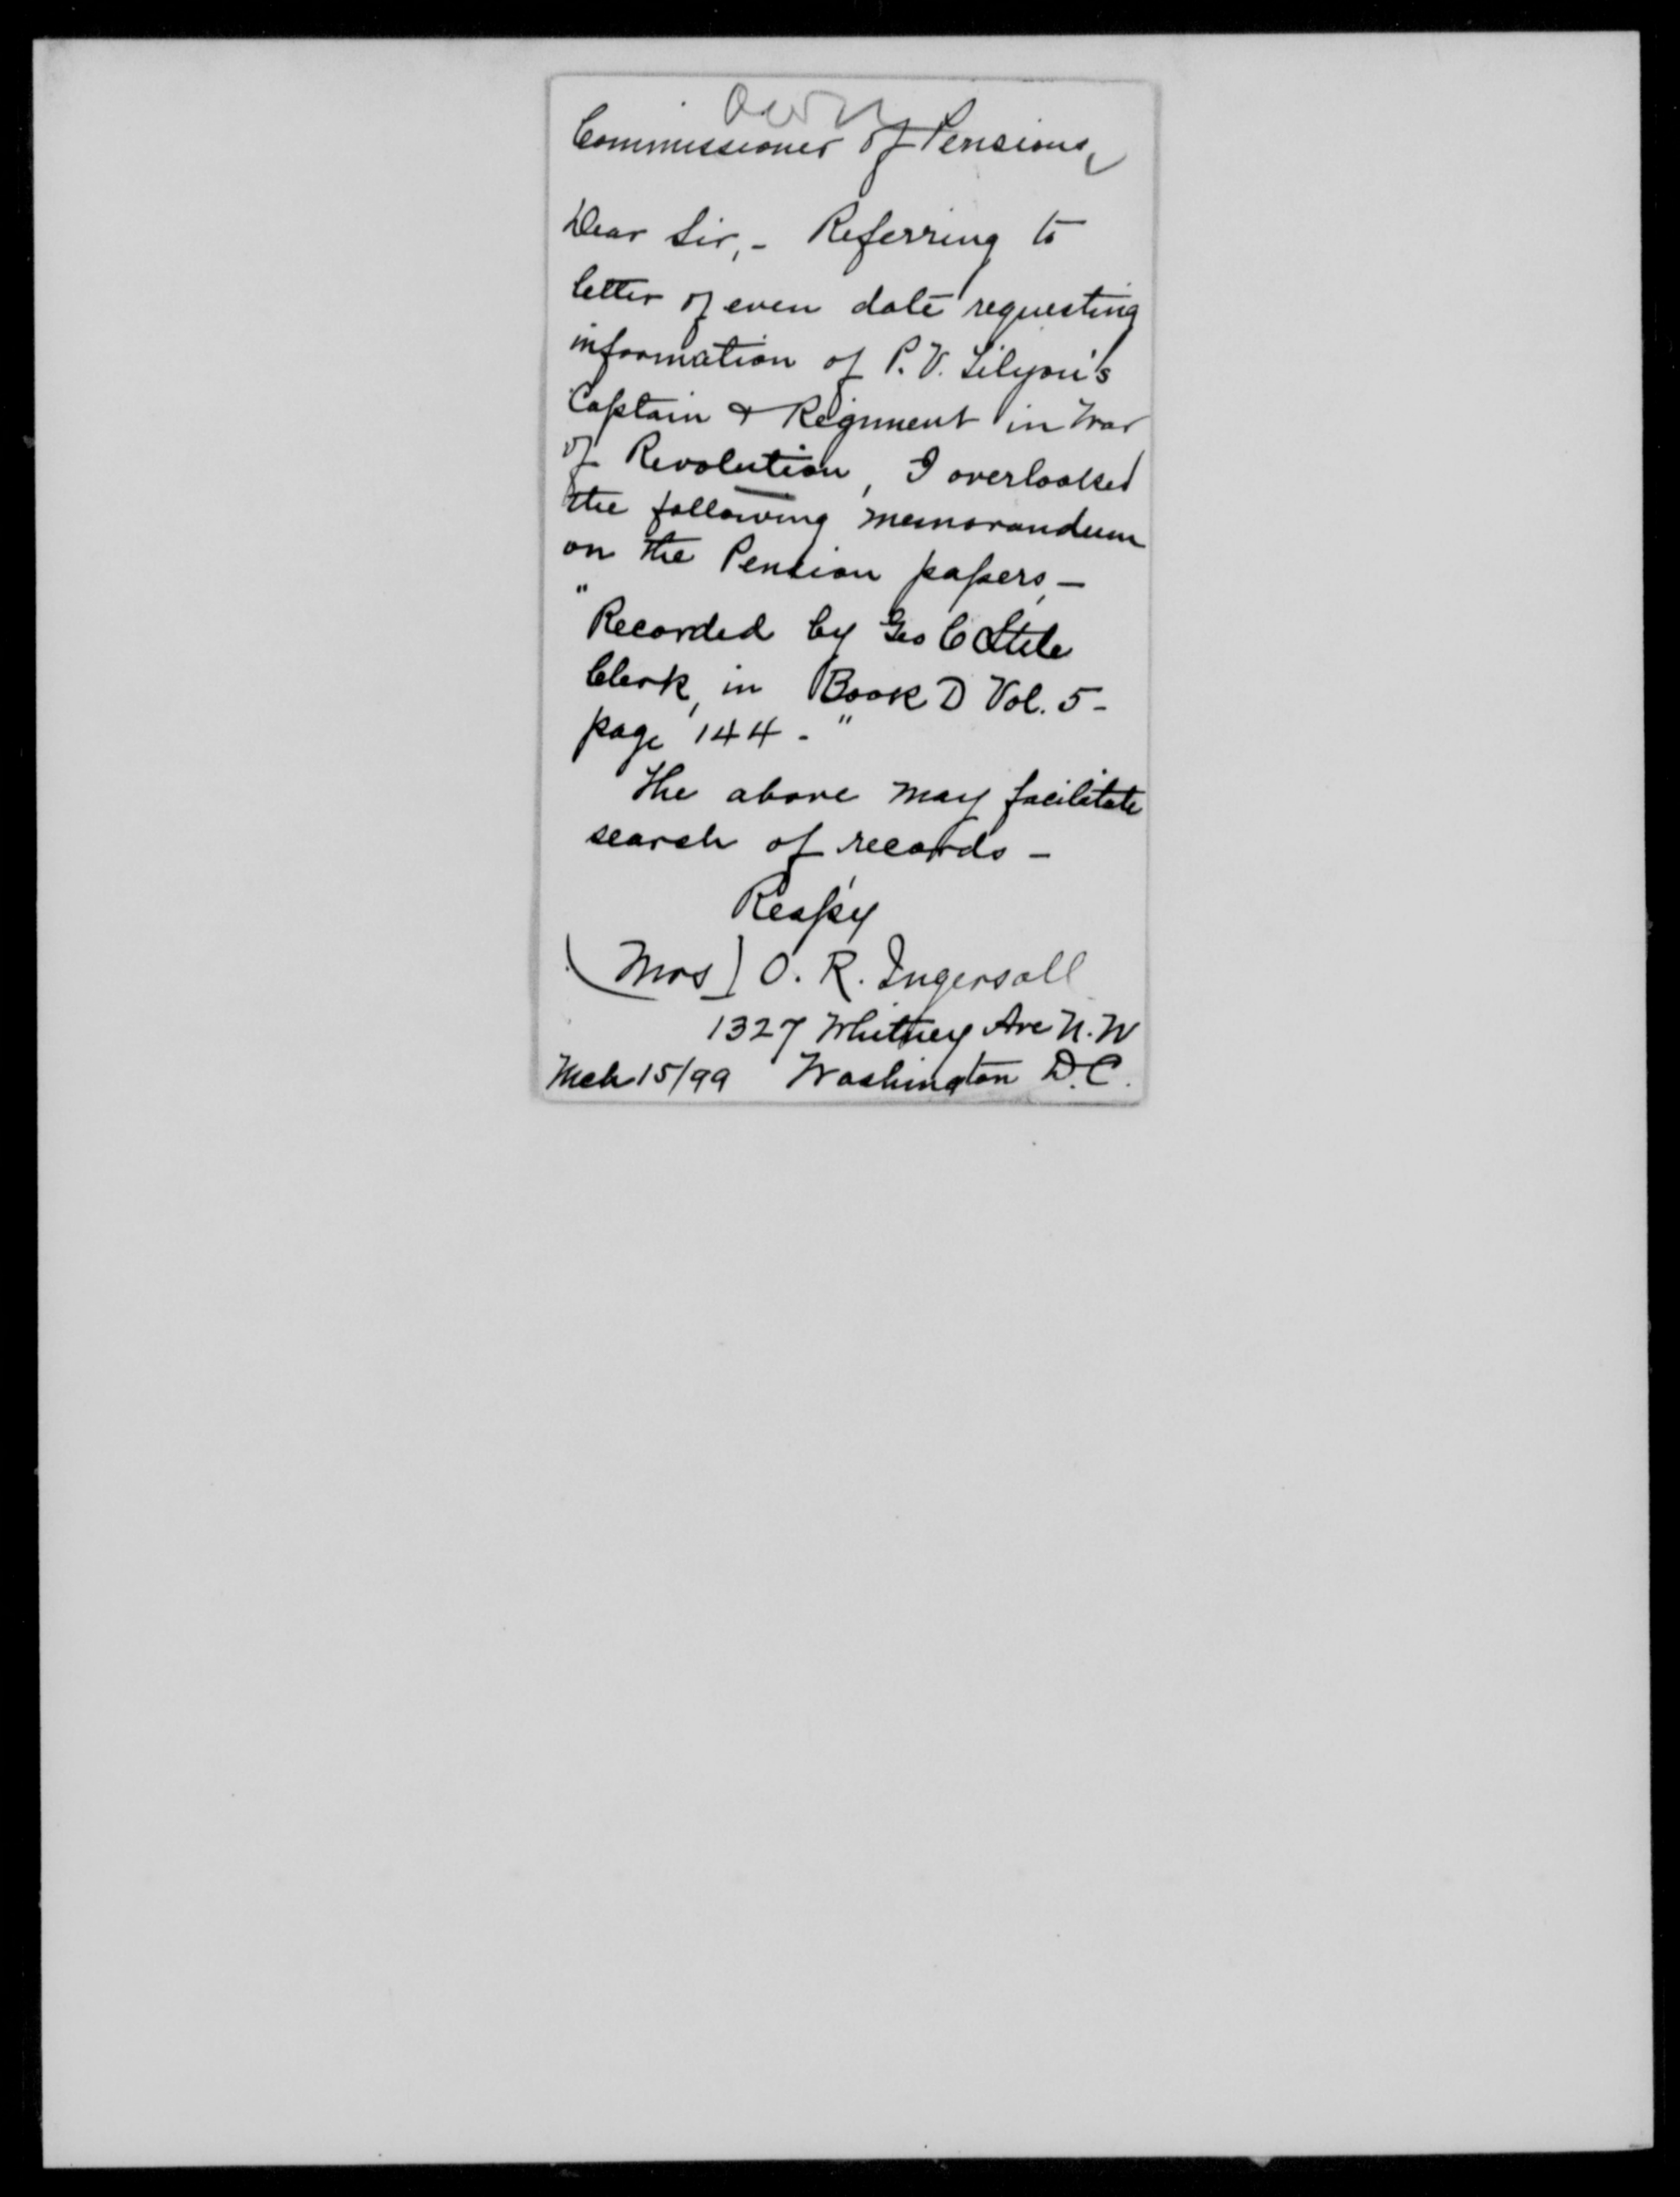[Own?]
Commissioner of Pensions
Dear Sir,  - Referring to letter of even date requesting information of P.V. Tilyou's Captain & Regiment in War of Revolution, I overlooked the following memorandum on the Pension papers
"Recorded by Geo C Stile Clerk, in Book d Vol. 5 - page 144 - "
 The above may facilitate search of records -
 Resp'y
 (Mrs) O.R. Ingersoll
1327 Whitney Ave N.W
Washington D.C.
Mch 15/99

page: 44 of 101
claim: widow's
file: W. 25481, for Peter V Tilyou, New Jersey